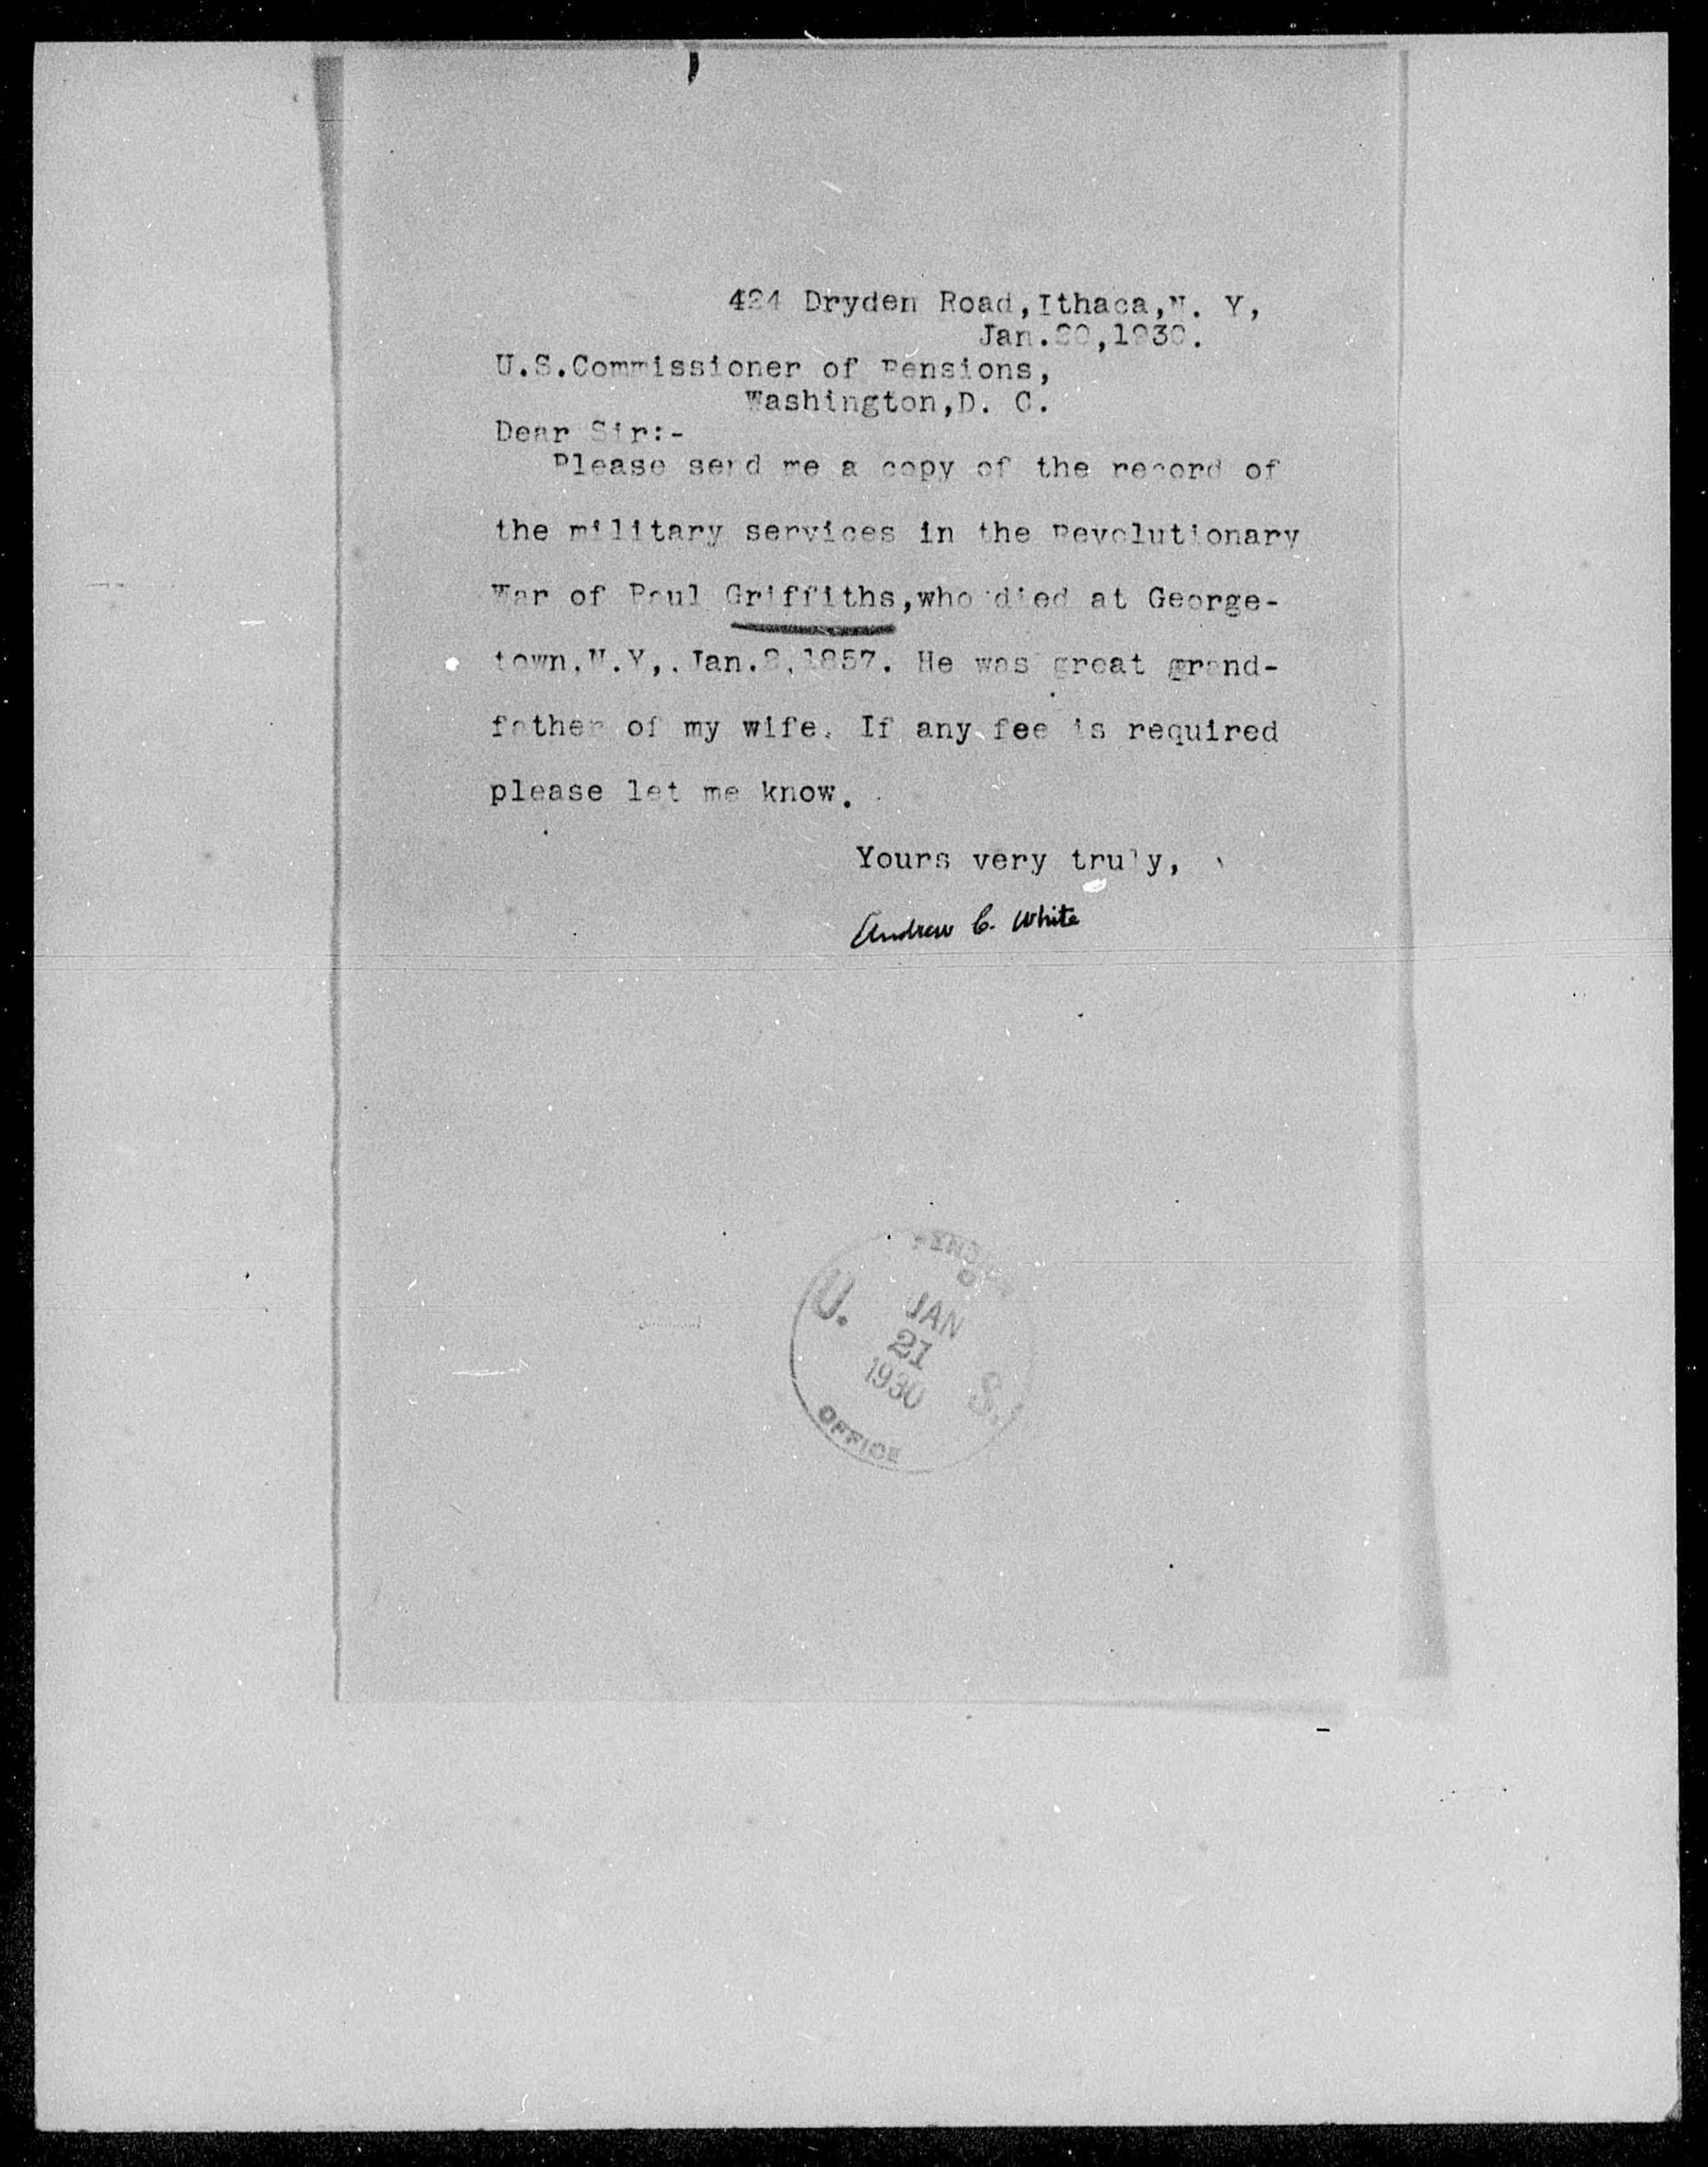424 Dryden Road, Ithaca, N.Y.

Jan. 30, 1930.

U.S. Commissioner of Pensions,
Washington, D.C.

Dear Sir: -

Please send me a copy of the record of the military services in the Revolutionary War of Paul Griffiths, who died at Georgetown, N.Y., Jan. 2, 1857. He was great grandfather of my wife. If any fee is required, please let me know.

Yours very truly,

Andrew C. White

[stamp]
U.S. PENSION OFFICE
O
JAN 21 1930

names: Andrew C White, Paul Griffiths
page: 36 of 61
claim: survivor's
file: S. 22798, Paul Griffiths, R.I.